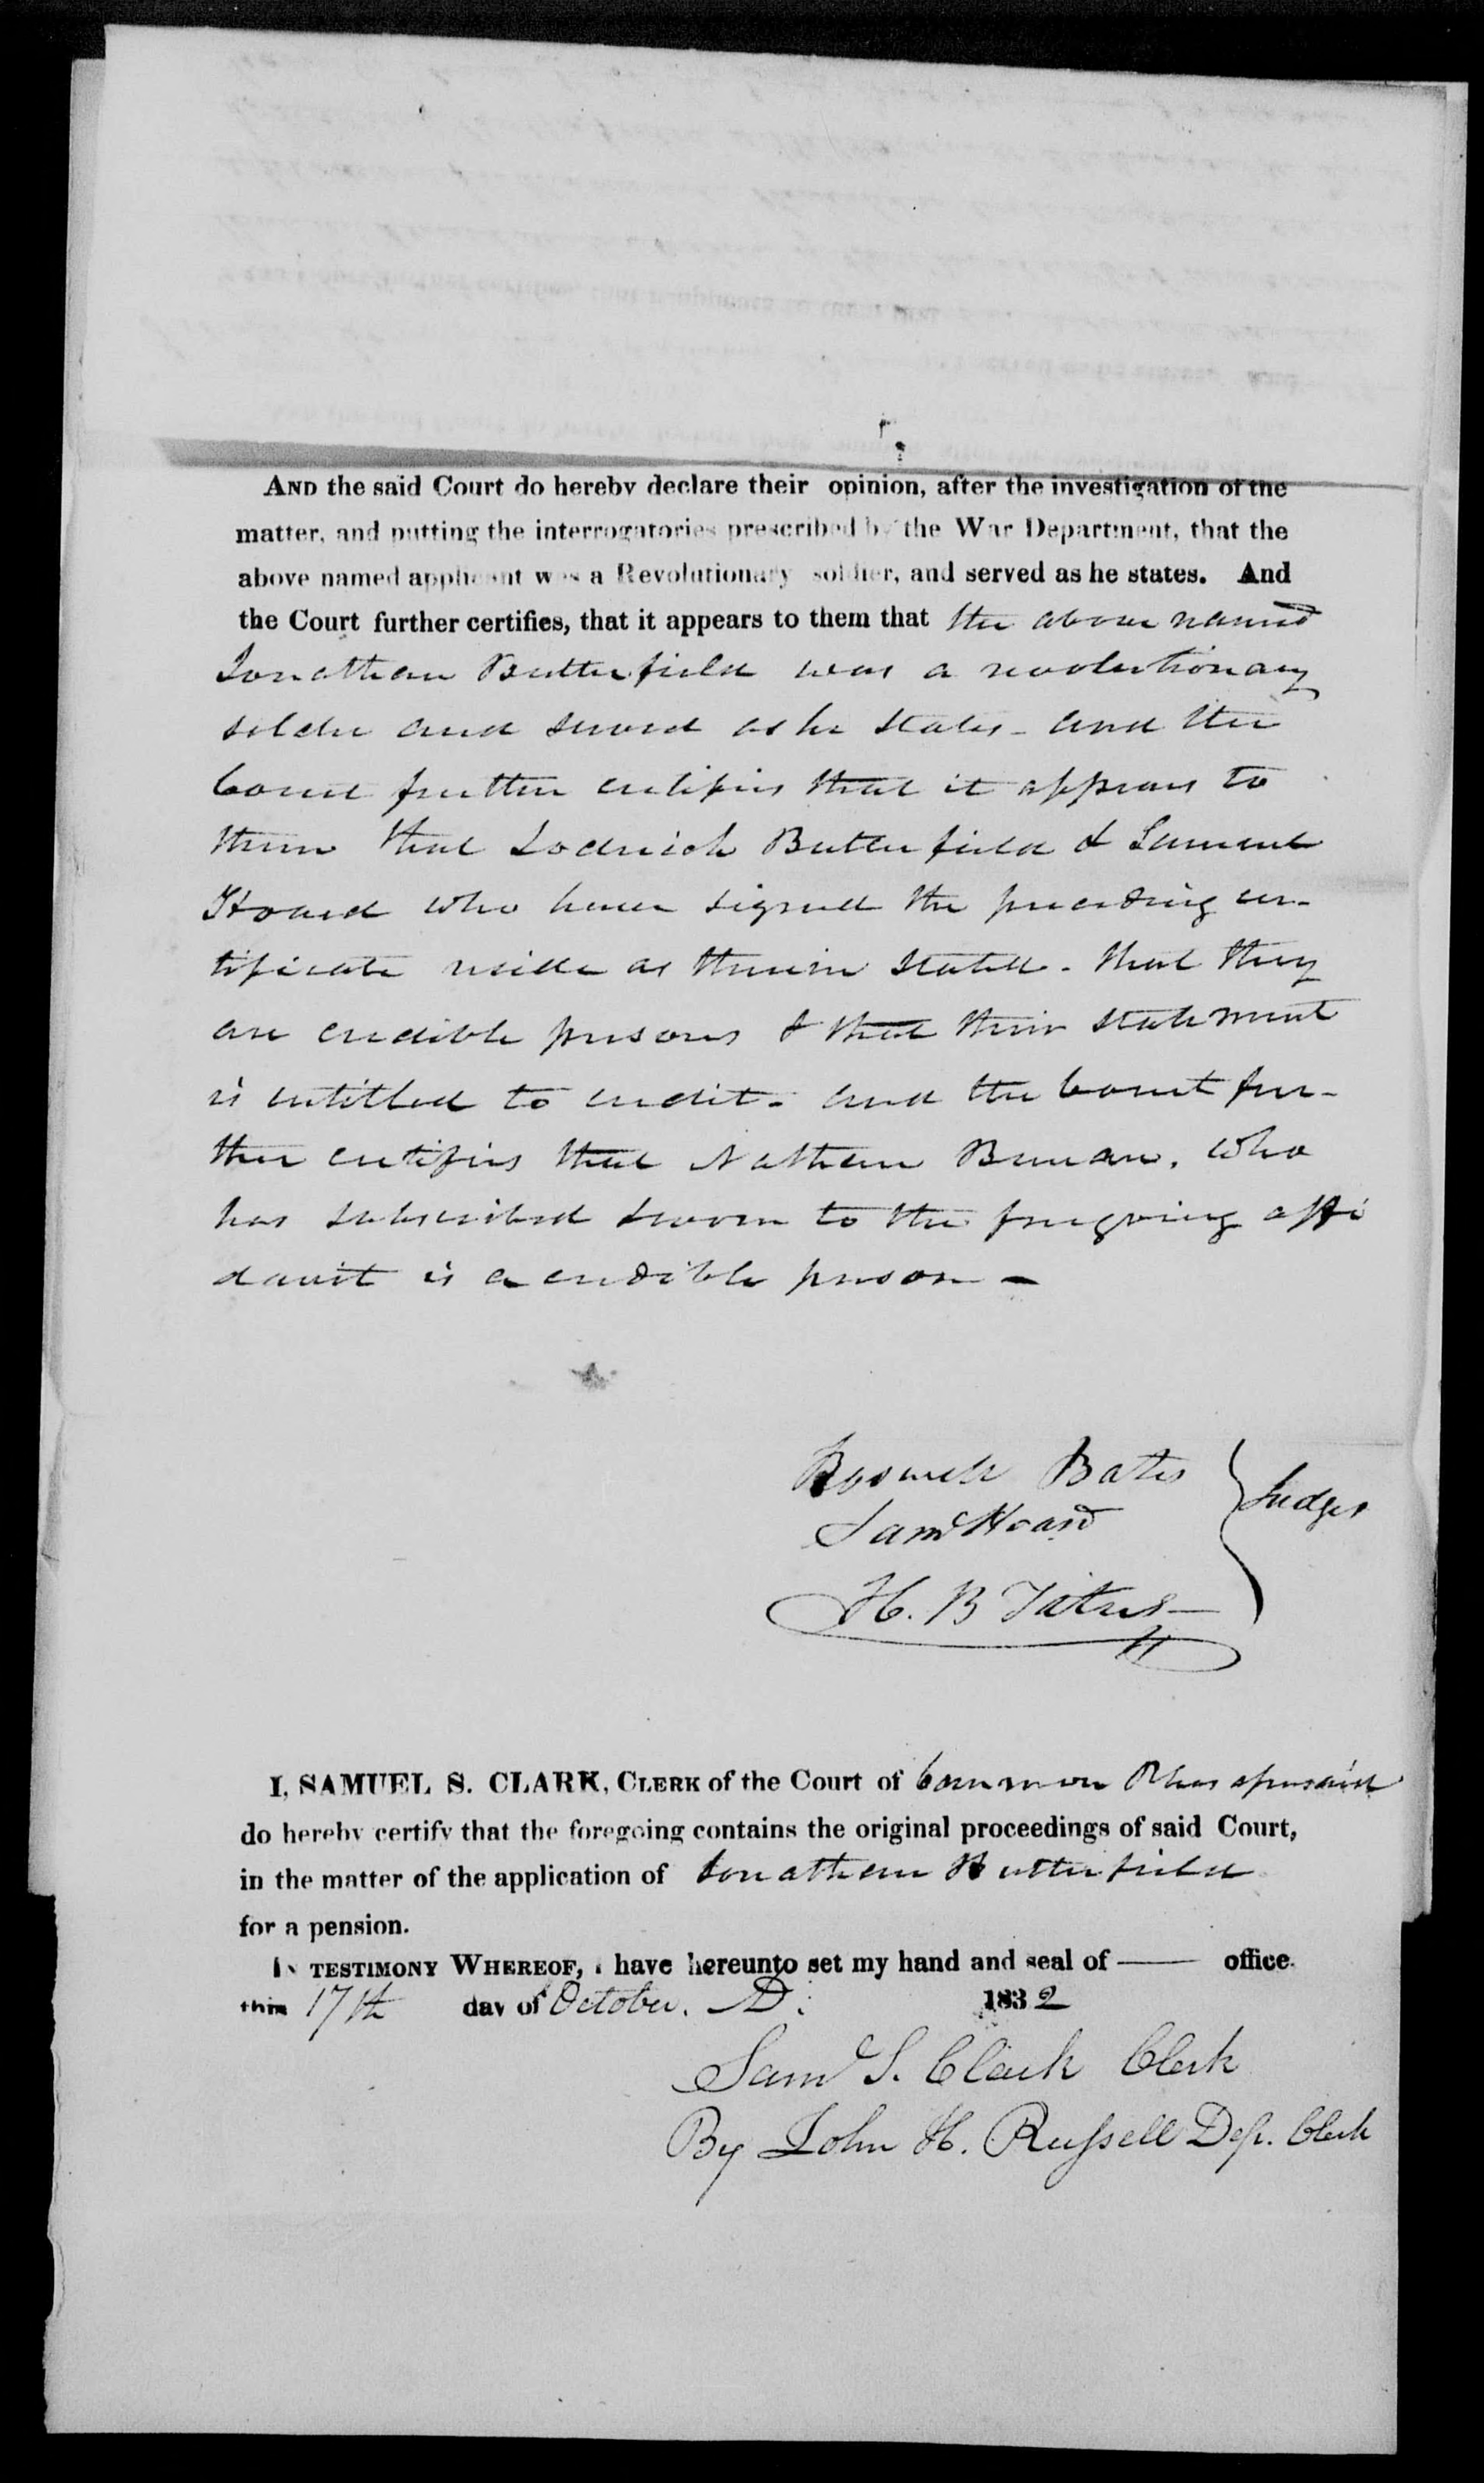AND the said Court do hereby declare their opinion, after the investigation
matter, and putting the interrogatories prescribed by the War Department, that the
above named applicant was a Revolutionary soldier, and served as he states. And the Court furthe certifies, that it appears to them that the above named Jonathan Butterfield was a revolutionary solder and served as he states. and the Court further certifies that it appears to
them that Lodwick Butterfield & Samuel Hoard who have signed the preceding
certtificate reside as therein stated. that they
are credible persons & that their statement
is entitled to credit. and the Court further
the certifies that Nathan Berman, who has subscribed & sworn to the foregoing affidavit is a credible perso.n
Roswell Bates JP
Saml Hoard JP
H. B Titus JP

I, SAMUEL S. CLARK, CLERK of the Court of Common of Pleas do hereby certify that the foregoing contains the original proceedings of said Court, in the matter of the application of Jonathan Butterfield for a pension.
IN TESTIMONY WHEREOF,I have hereunto set my hand and seal of office. this 17th day of October, A.D. 1832
Saml S. Clark, Clerk
By John H. Russell, Dep. Clerk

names: Nathan Bernan, H B Titus, John H Russell, Saml Hoard, Samuel S Clark, Jonathan Butterfield, Saml S Clark, Lodwick Butterfield, Samuel Hoard, Jonathan Butterfield, Roswell Bates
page: 39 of 40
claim: rejected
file: R. 1558, Jonathan Butterfield, Mass. Vt.